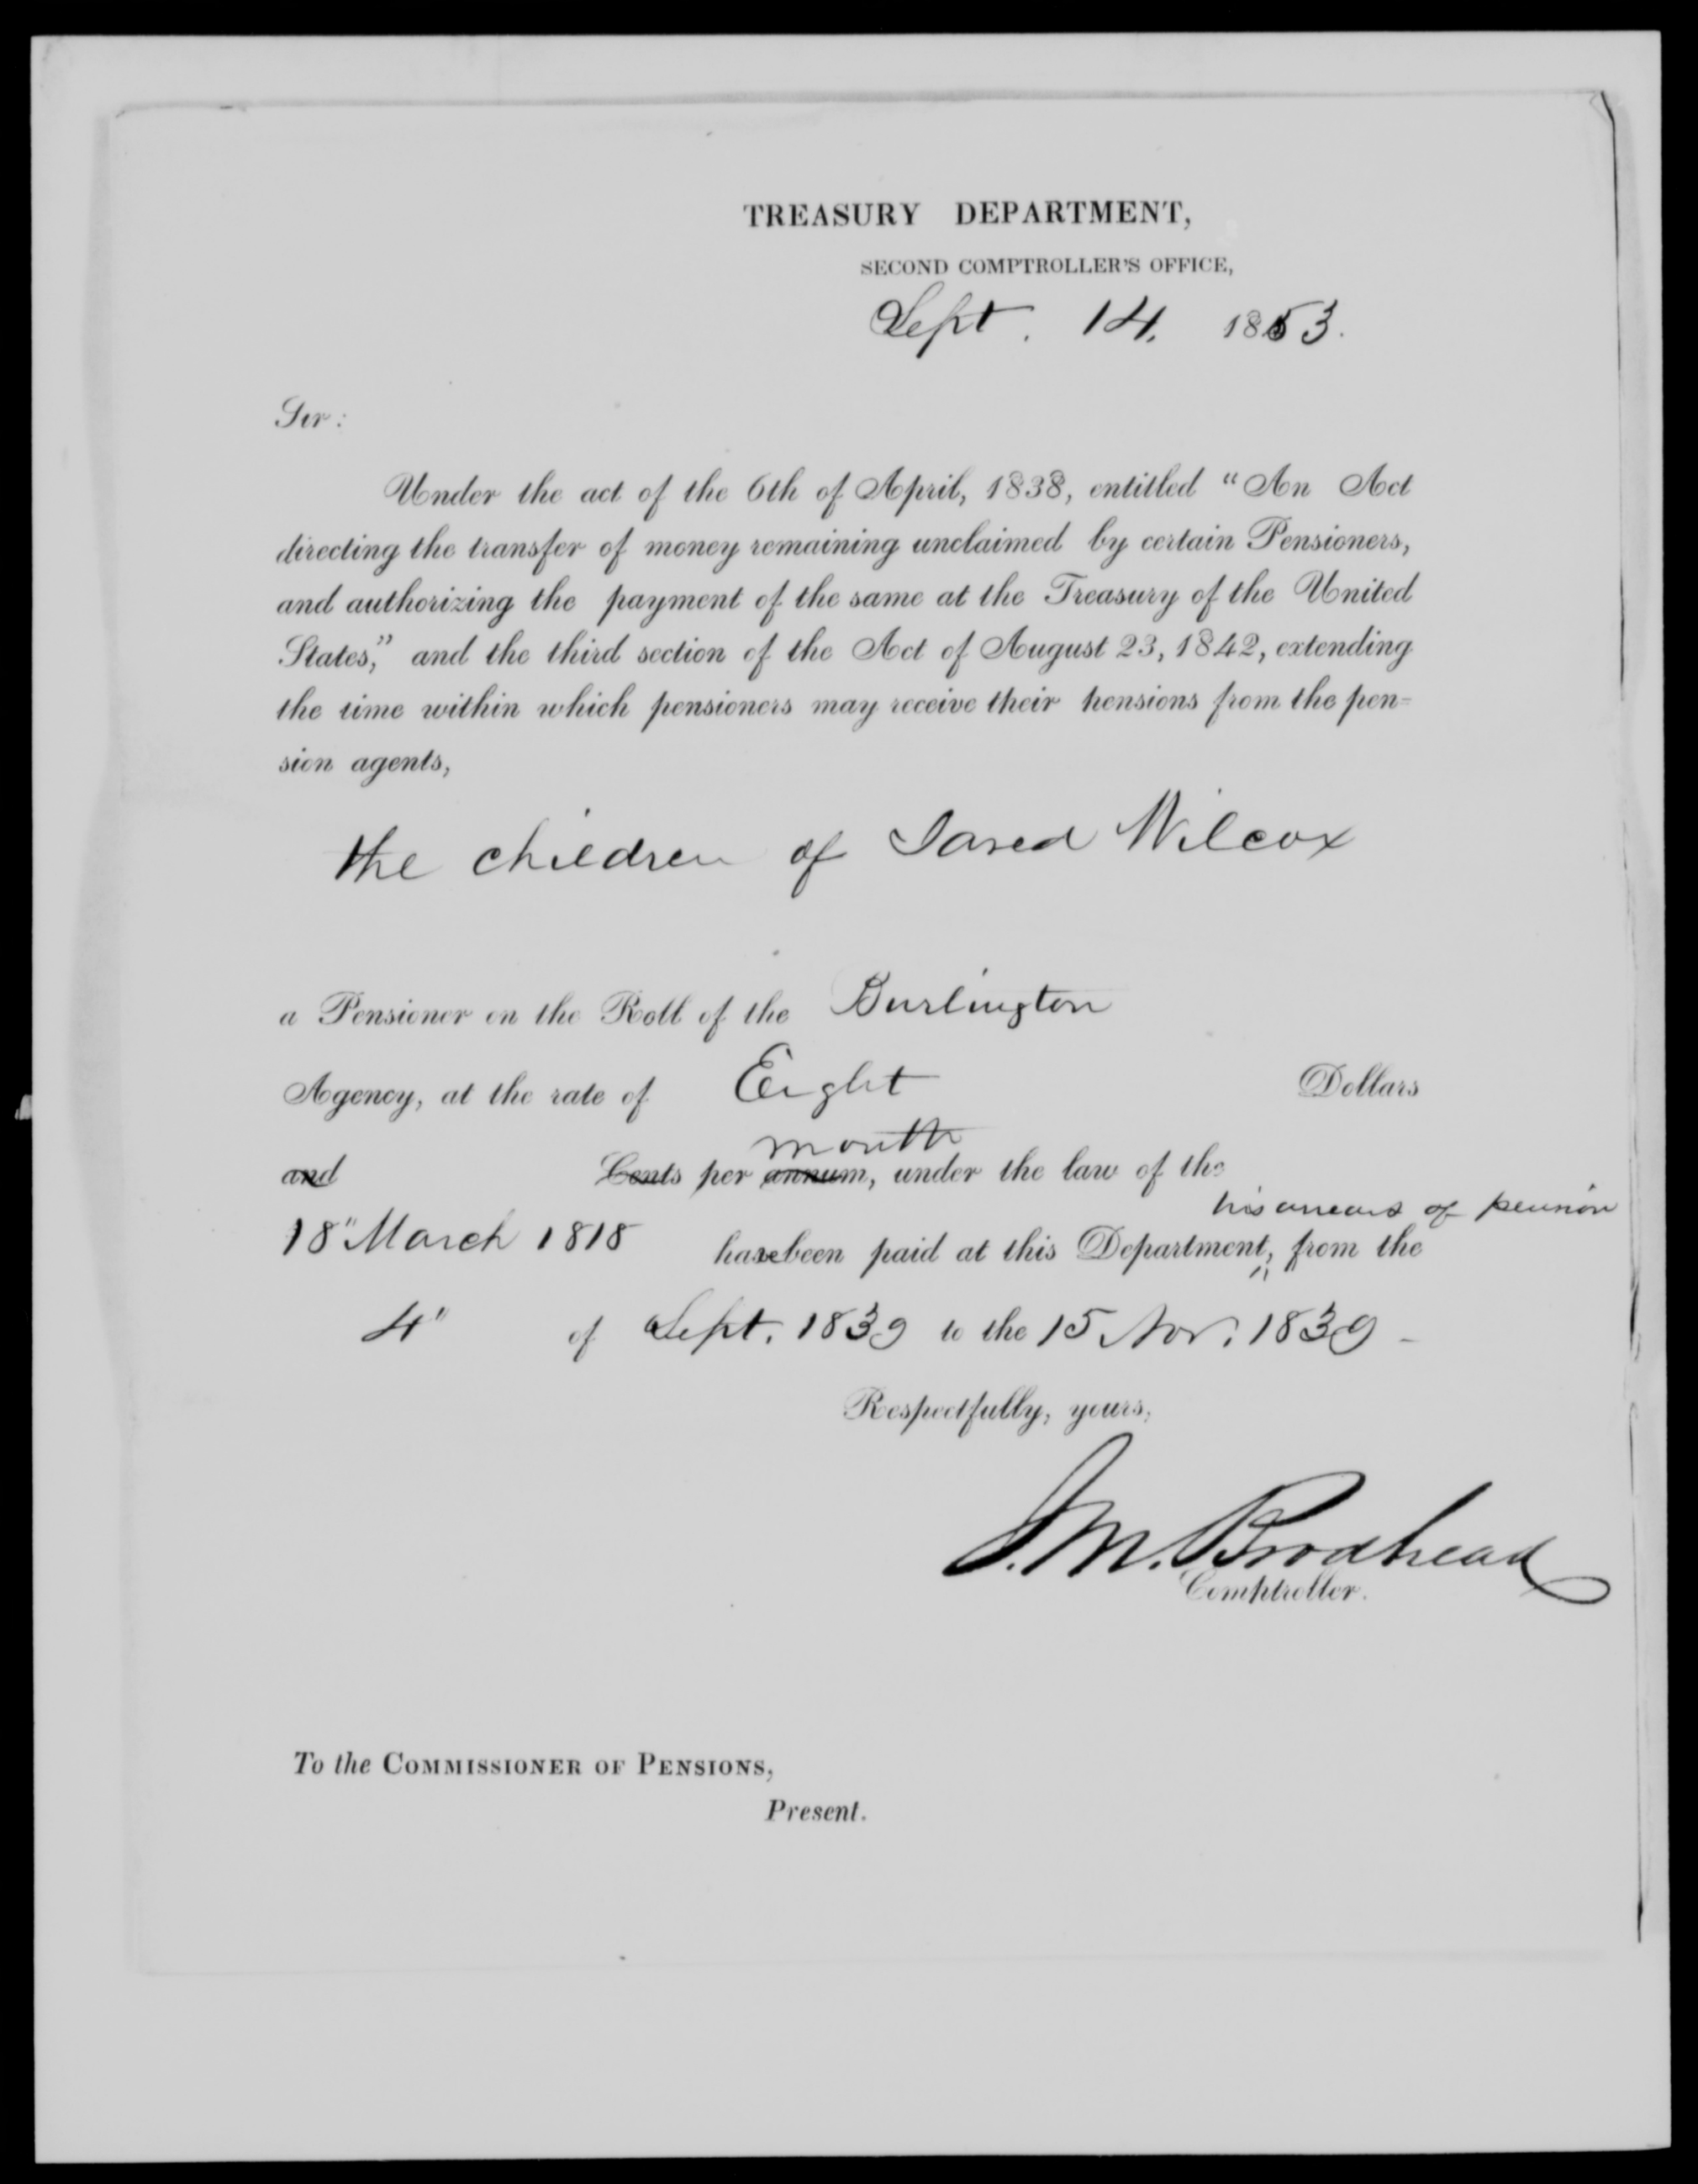TREASURY DEPARTMENT,
SECOND COMPTROLLER'S OFFICE,

Sept. 14. 1853

Sir:

Under the act of the 6th of April, 1838, entitled "An Act
directing the transfer of money remaining unclaimed by certain Pensioners,
and authorizing the payment of the same at the Treasury of the United
States," and the third section of the Act of August 23, 1842, extending
the time within which pensioners may receive their pension from the 
pension agents, 

the children of Jared Wilcox

a Pensioner on the Roll of the Burlington
Agency, at the rate of Eight Dollars
[and (blank) Cents = crossed out] per (annum = crossed out) month under the law of the
18 March 1818 has been paid at this Department (his arrears of pension = inserted) from the
4 of Sept. 1839 to the 15 Nov. 1839.

Respectfully, yours,
J.M. Brodhead (signature)
Comptroller.

To the COMMISSIONER OF PENSIONS,
Present.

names: Jared Wilcox, J M Brodhead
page: 12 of 34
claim: survivor's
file: S. 41337, Jared Wilcox, Continental Mass.